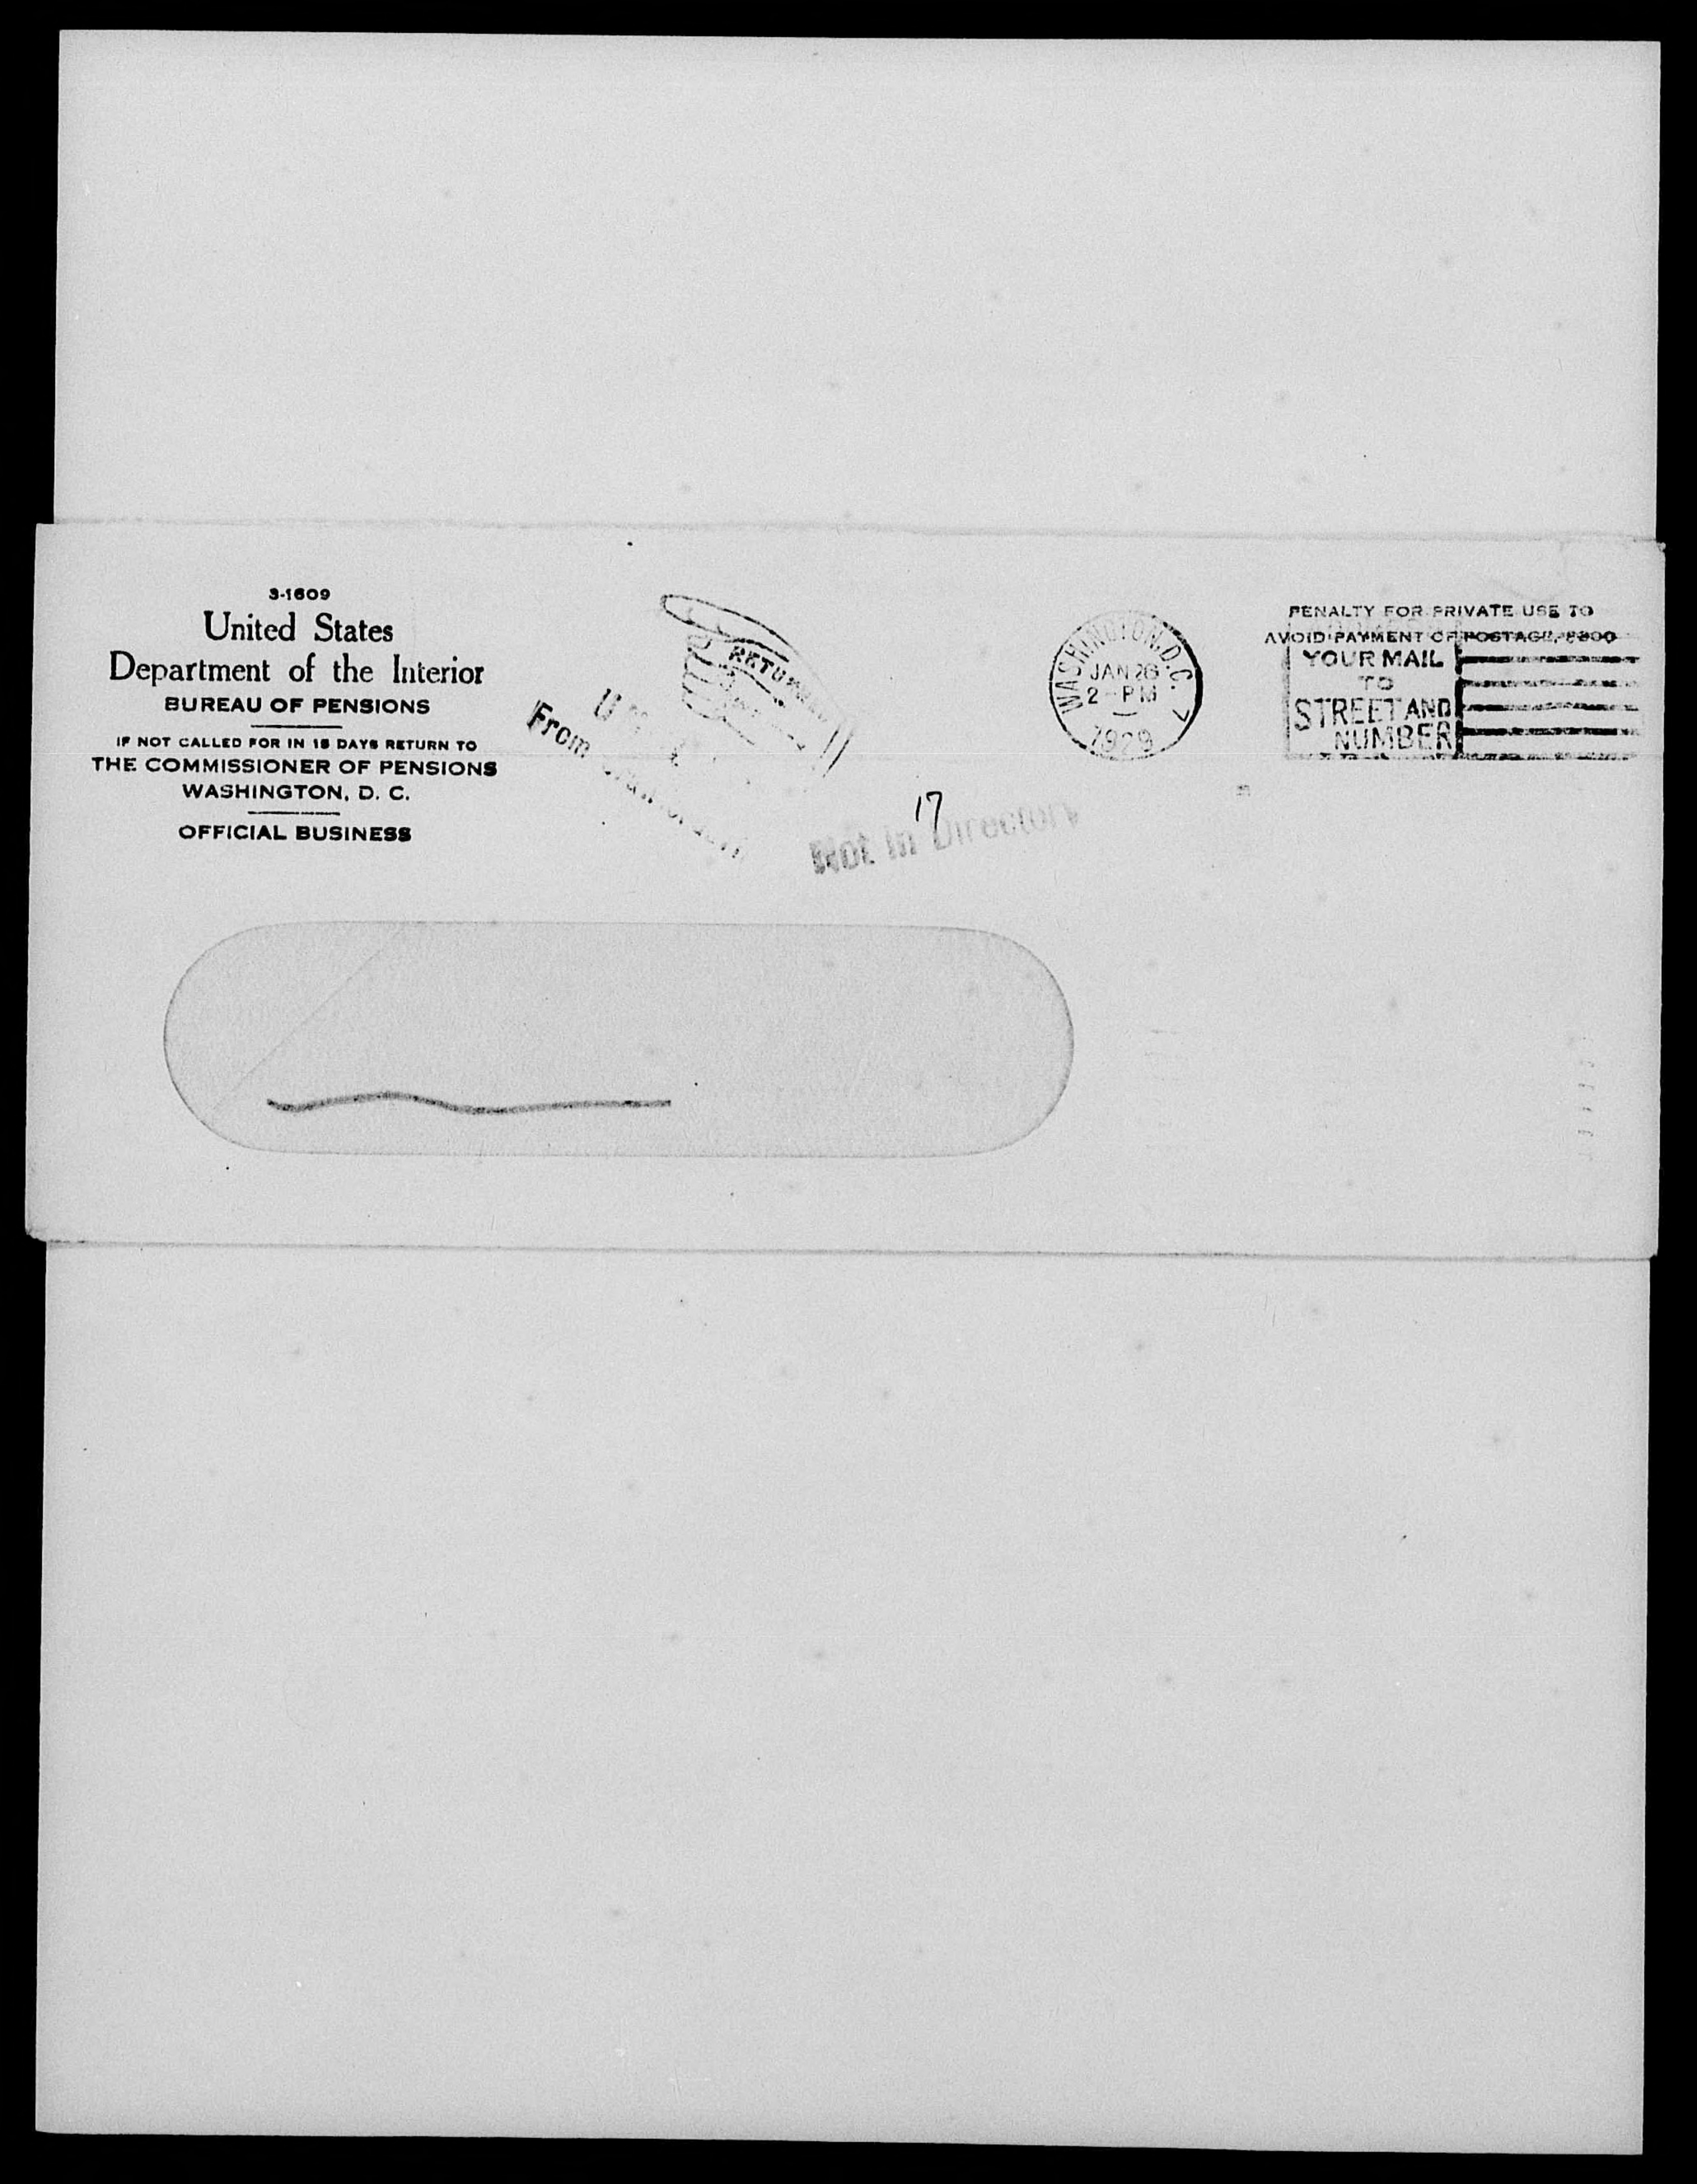ENVELOPE

United States
Department of the Interior
Bureau of Pensions
if not called for in 15 days return to 
The Commissioner of Pensions
Washington, D.C.

Official Business

Washington DC Mail Stamp - Jan 26, 1929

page: 22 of 34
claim: survivor's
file: S. 36,051, for Samuel Luckett, Maryland